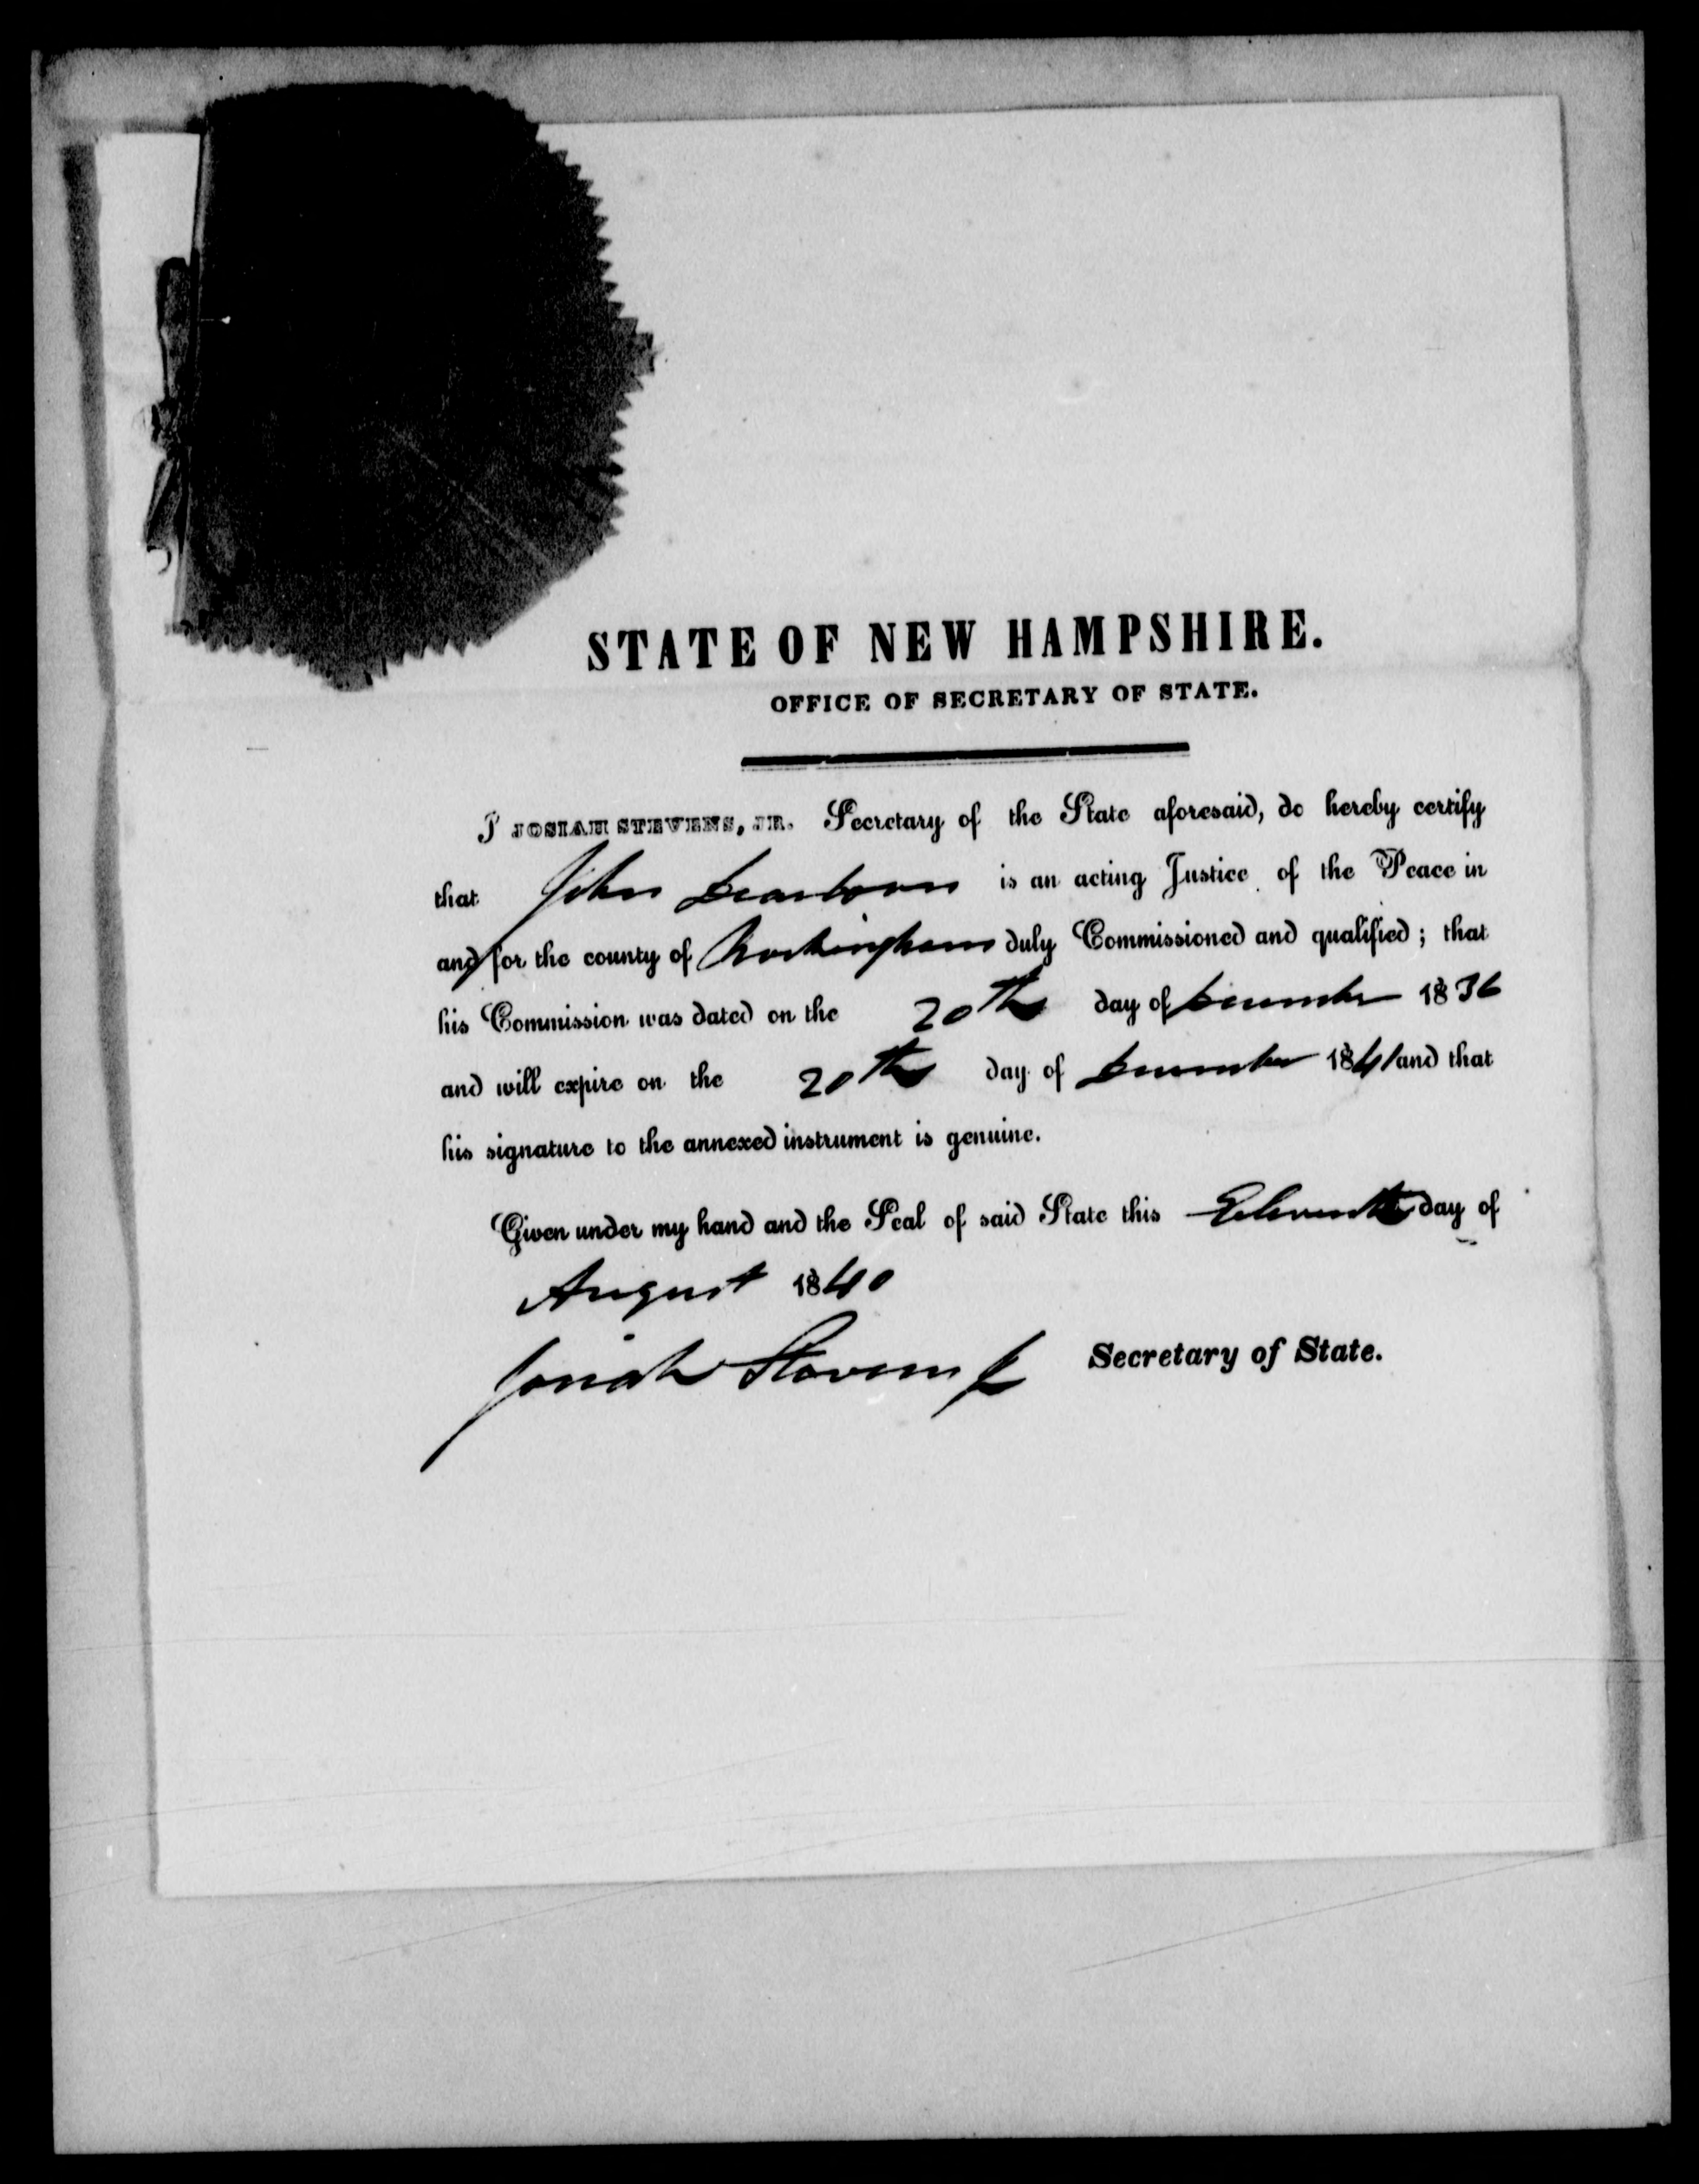STATE OF NEW HAMPSHIRE.
OFFICE OF SECRETARY OF STATE.
I, JOSIAH STEVENS, JR., Secretary of the State aforesaid, do hereby certify that John Dearborn is an acting Justice of the Peace in and for the County of Rockingham duly Commissioned and qualified; that his Commission was dated on the 20th day of December 1836 and will expire on the 20th day of December 1841 and that
his signature to the annexed instrument is genuine.
Given under my hand and the Seal of said State this Eleventh day of August 1840
Josiah Stevens, Jr.  Secretary of State.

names: Josiah Stevens, John Dearborn, Josiah Stevens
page: 22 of 24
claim: widow's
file: W. 16,451, Abraham True, N.H.